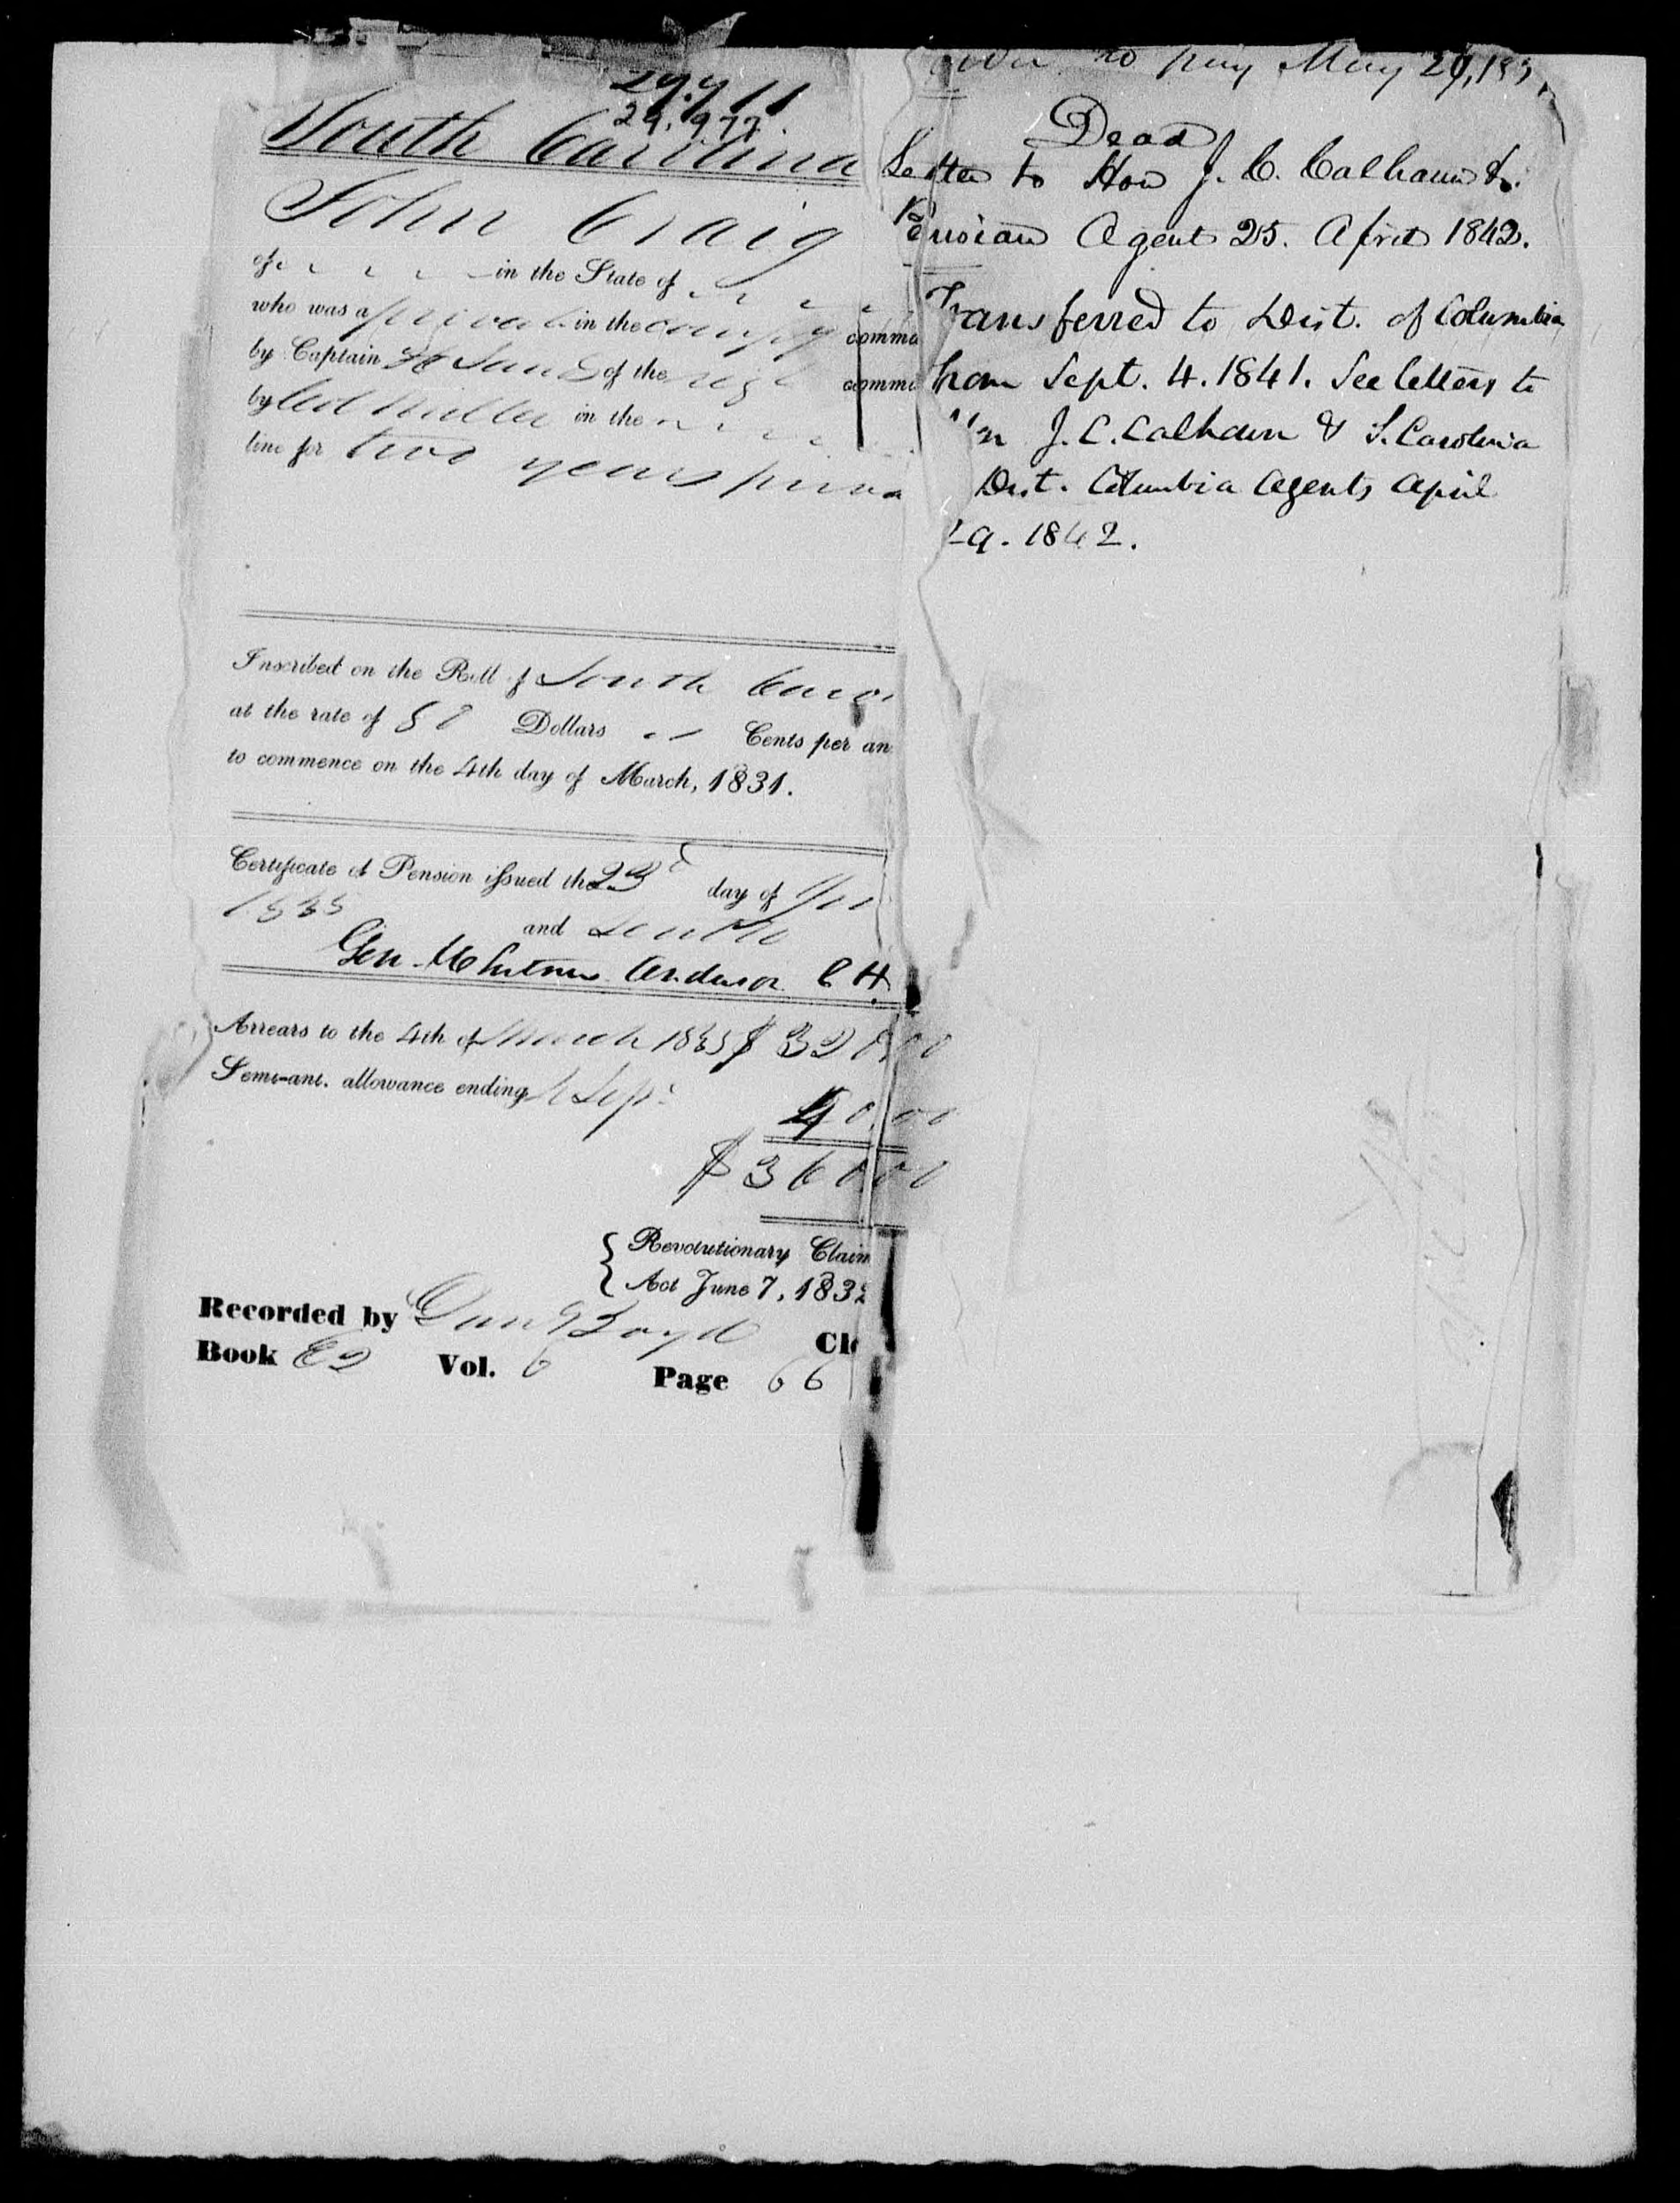29.977
South Carolina
John Craig
[illegible] in the State of [illegible] who was a private in the Company commanded by Captain St. James of the regt. commanded by Col. Miller on the [illegible] line for two years priva(covered) 
____________________________________________________
Inscribed on the Roll of South Carolina at the rate of 80 Dollars -- Cents per an
to commence on the 4th day of March, 1831.
________________________________________________
Certificate of Pension issued the 23rd day of Jan 1835 and sent to Gen. Whitner Anderson CH
________________________________________________
Arrears to the 4th of March 1835 $320.00. 
Sami-anl. allowance ending in Sept. 40.00
                                                 ______________
                                                        $360.00
{Revolutionary Claim
Act June 7, 1832
Recorded by Dan Boyd Cl
Book E2 Vol 6  Page 66
_________________________________________
over to pay May 29, 183

Dead
Letter to Hon. J.C. Calhoun& Pension Agent 25, April 1842.
Transferred to Dist. of Columbia
from Sept. 4, 1841. See letters to J.C. Calhoun & S. Carolina
Dist. Columbia Agents April 29, 1842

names: Whitner Anderson, J C Calhoun, Danl Boyd, Miller, John Craig, Sands, J C Calhoun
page: 2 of 55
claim: widow's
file: W. 22864, John Craig, S.C. Born In Iceland